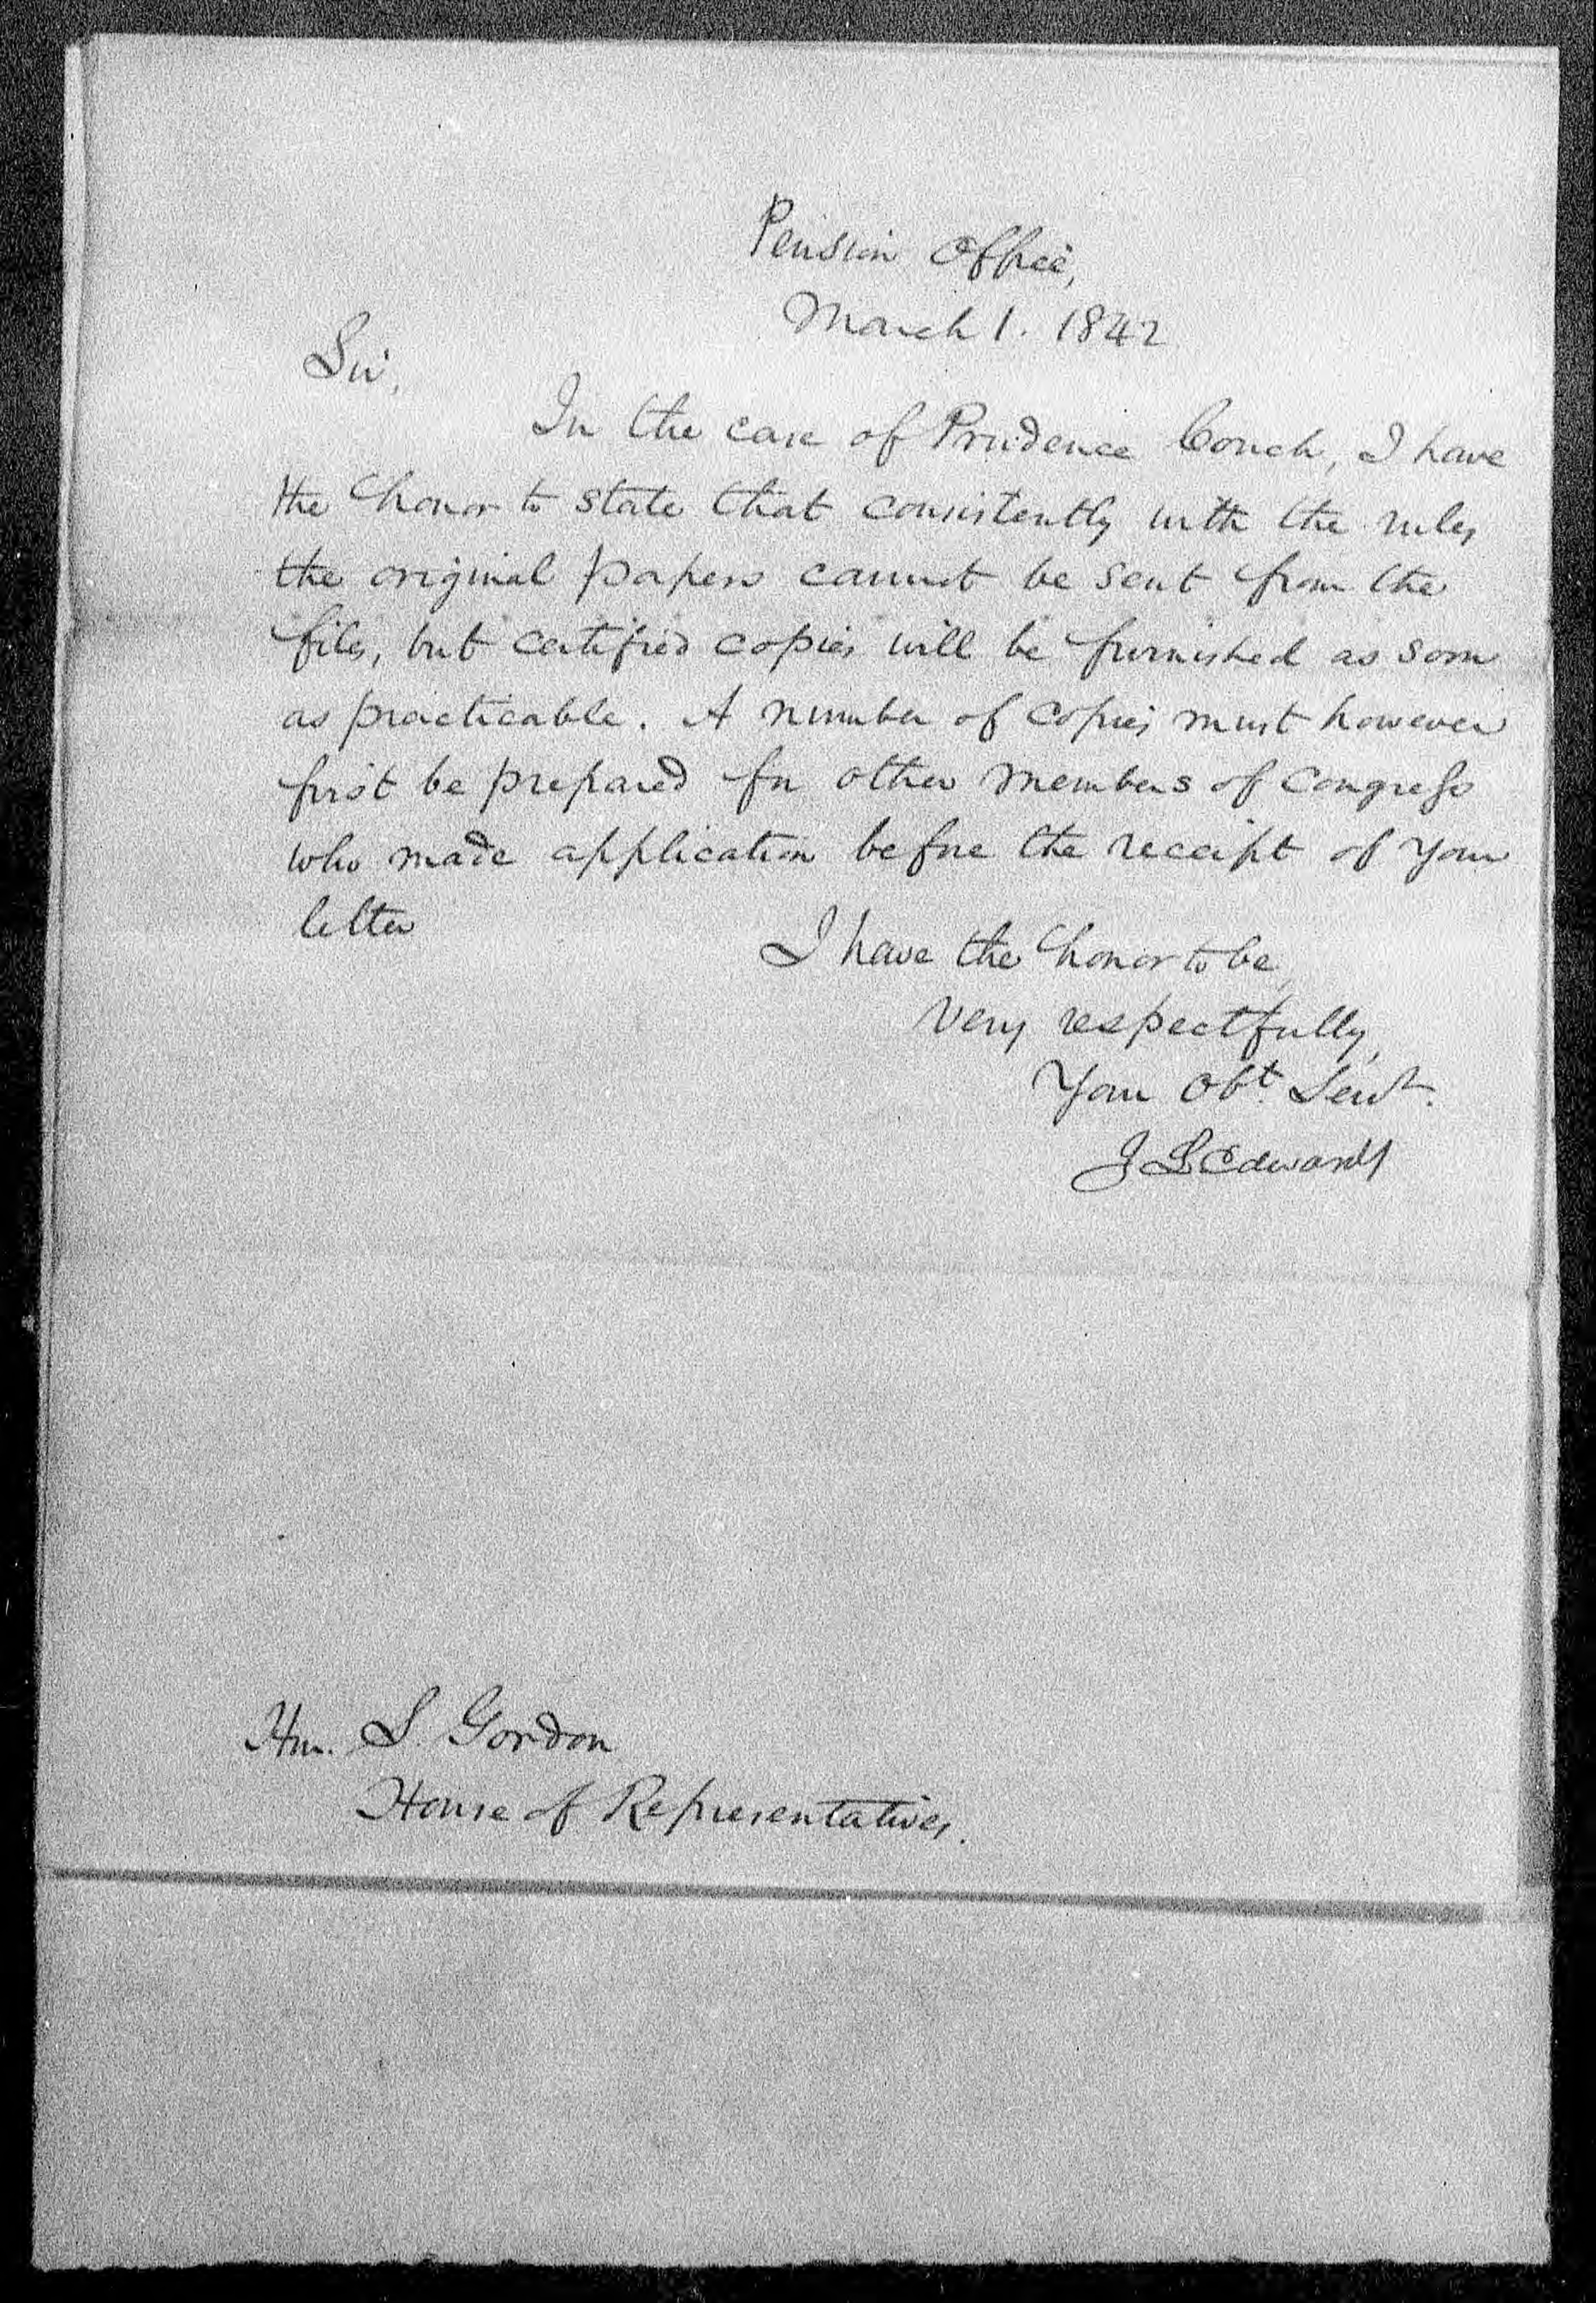Pension Office
March 1, 1842
Sir,
In the case of Prudence Couch, I have the honor to state that consistently in the rules the original papers cannot be sent from the files, but certified copies will be furnished as soon as practicable. A number of copies must however first be prepared for other members of Congress who made application before the receipt of your letter.
I have the honor to be, very respectfully, your obt servt,
J L Edwards


Hon. S. Gordomn
House of Representatives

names: J L Edwards, S Gordon, Prudence Couch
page: 50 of 68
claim: rejected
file: R. 2,360, John Couch, Conn.